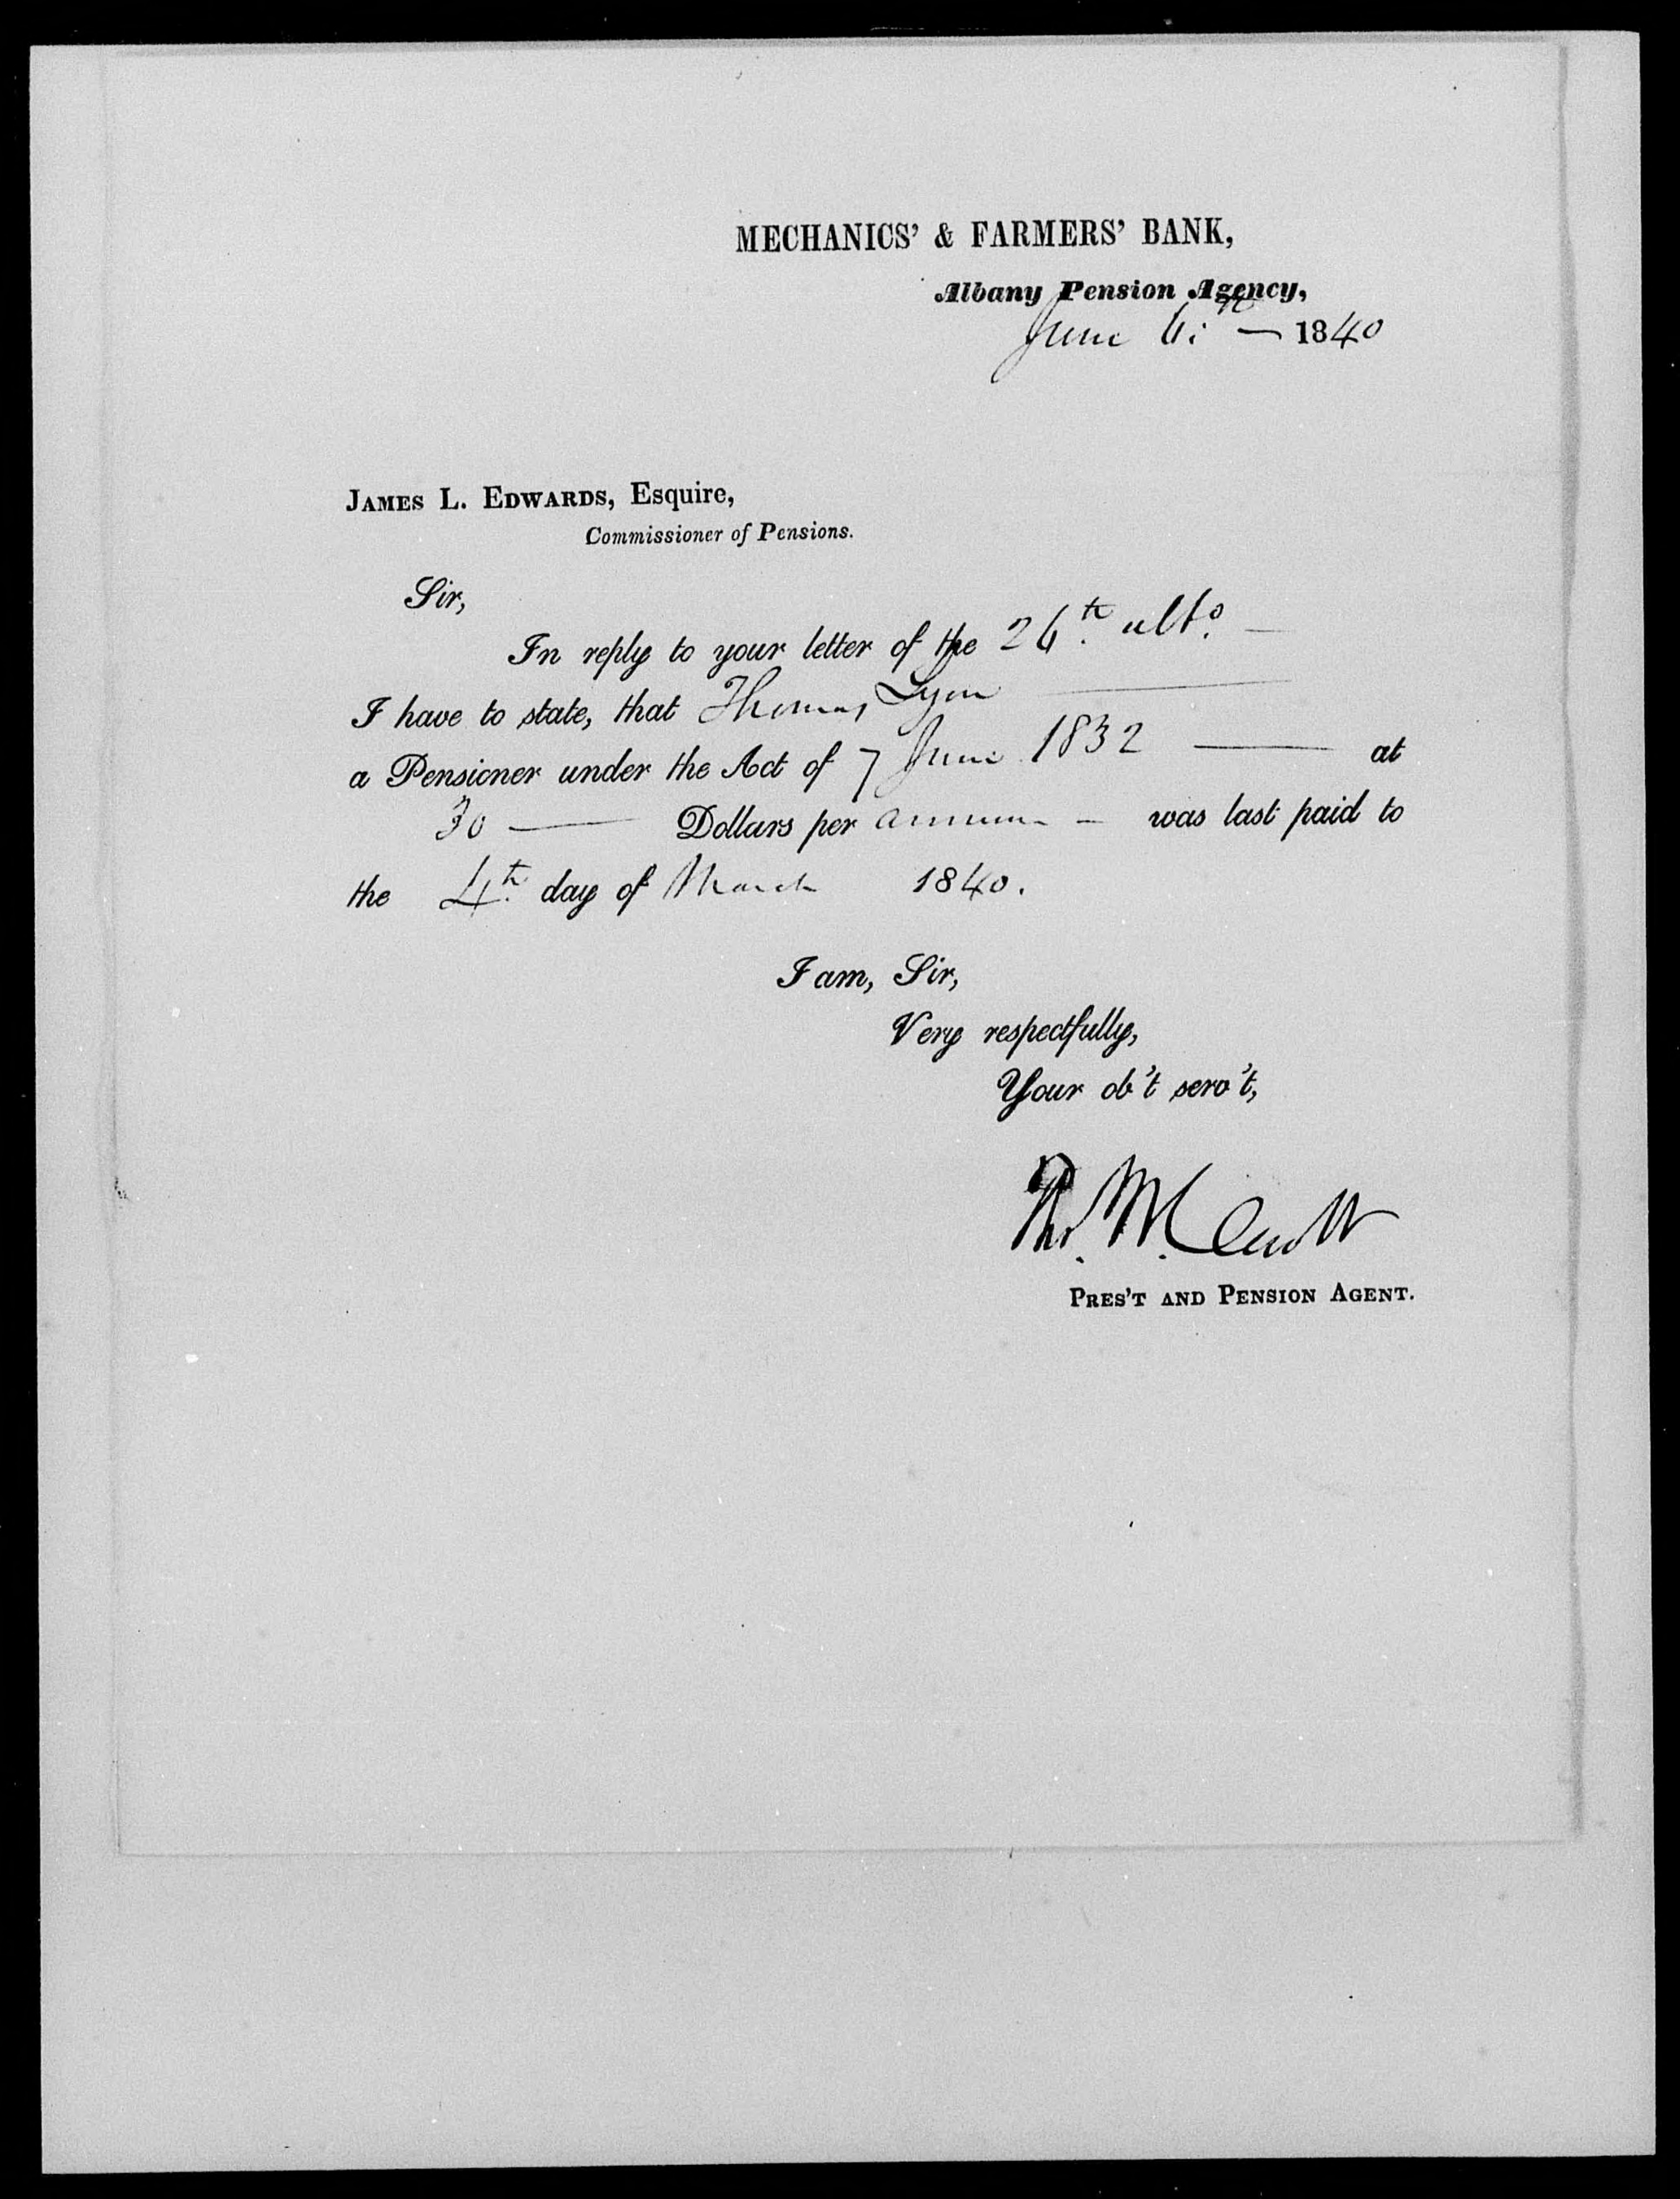MECHANICS' & FARMERS' BANK,
Albany Pension Agency,
June 6. 1840

JAMES L. EDWARDS, Esquire,
Commissioner of Pensions.

Sir,
In reply to your letter of the 24th ulto--
I have to state, that Thomas Lyon
a Pensioner under the Act of 7 June 1832 -- at
30 -- Dollars per annum - was last paid to
the 4th day of March 1840.
I am, Sir
Very respectfully,
Your ob't serv't
Tho. Mcleod[?]
PRES'T AND PENSION AGENT.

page: 24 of 28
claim: survivor's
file: S. 21,872, for Thomas Lyon, New York